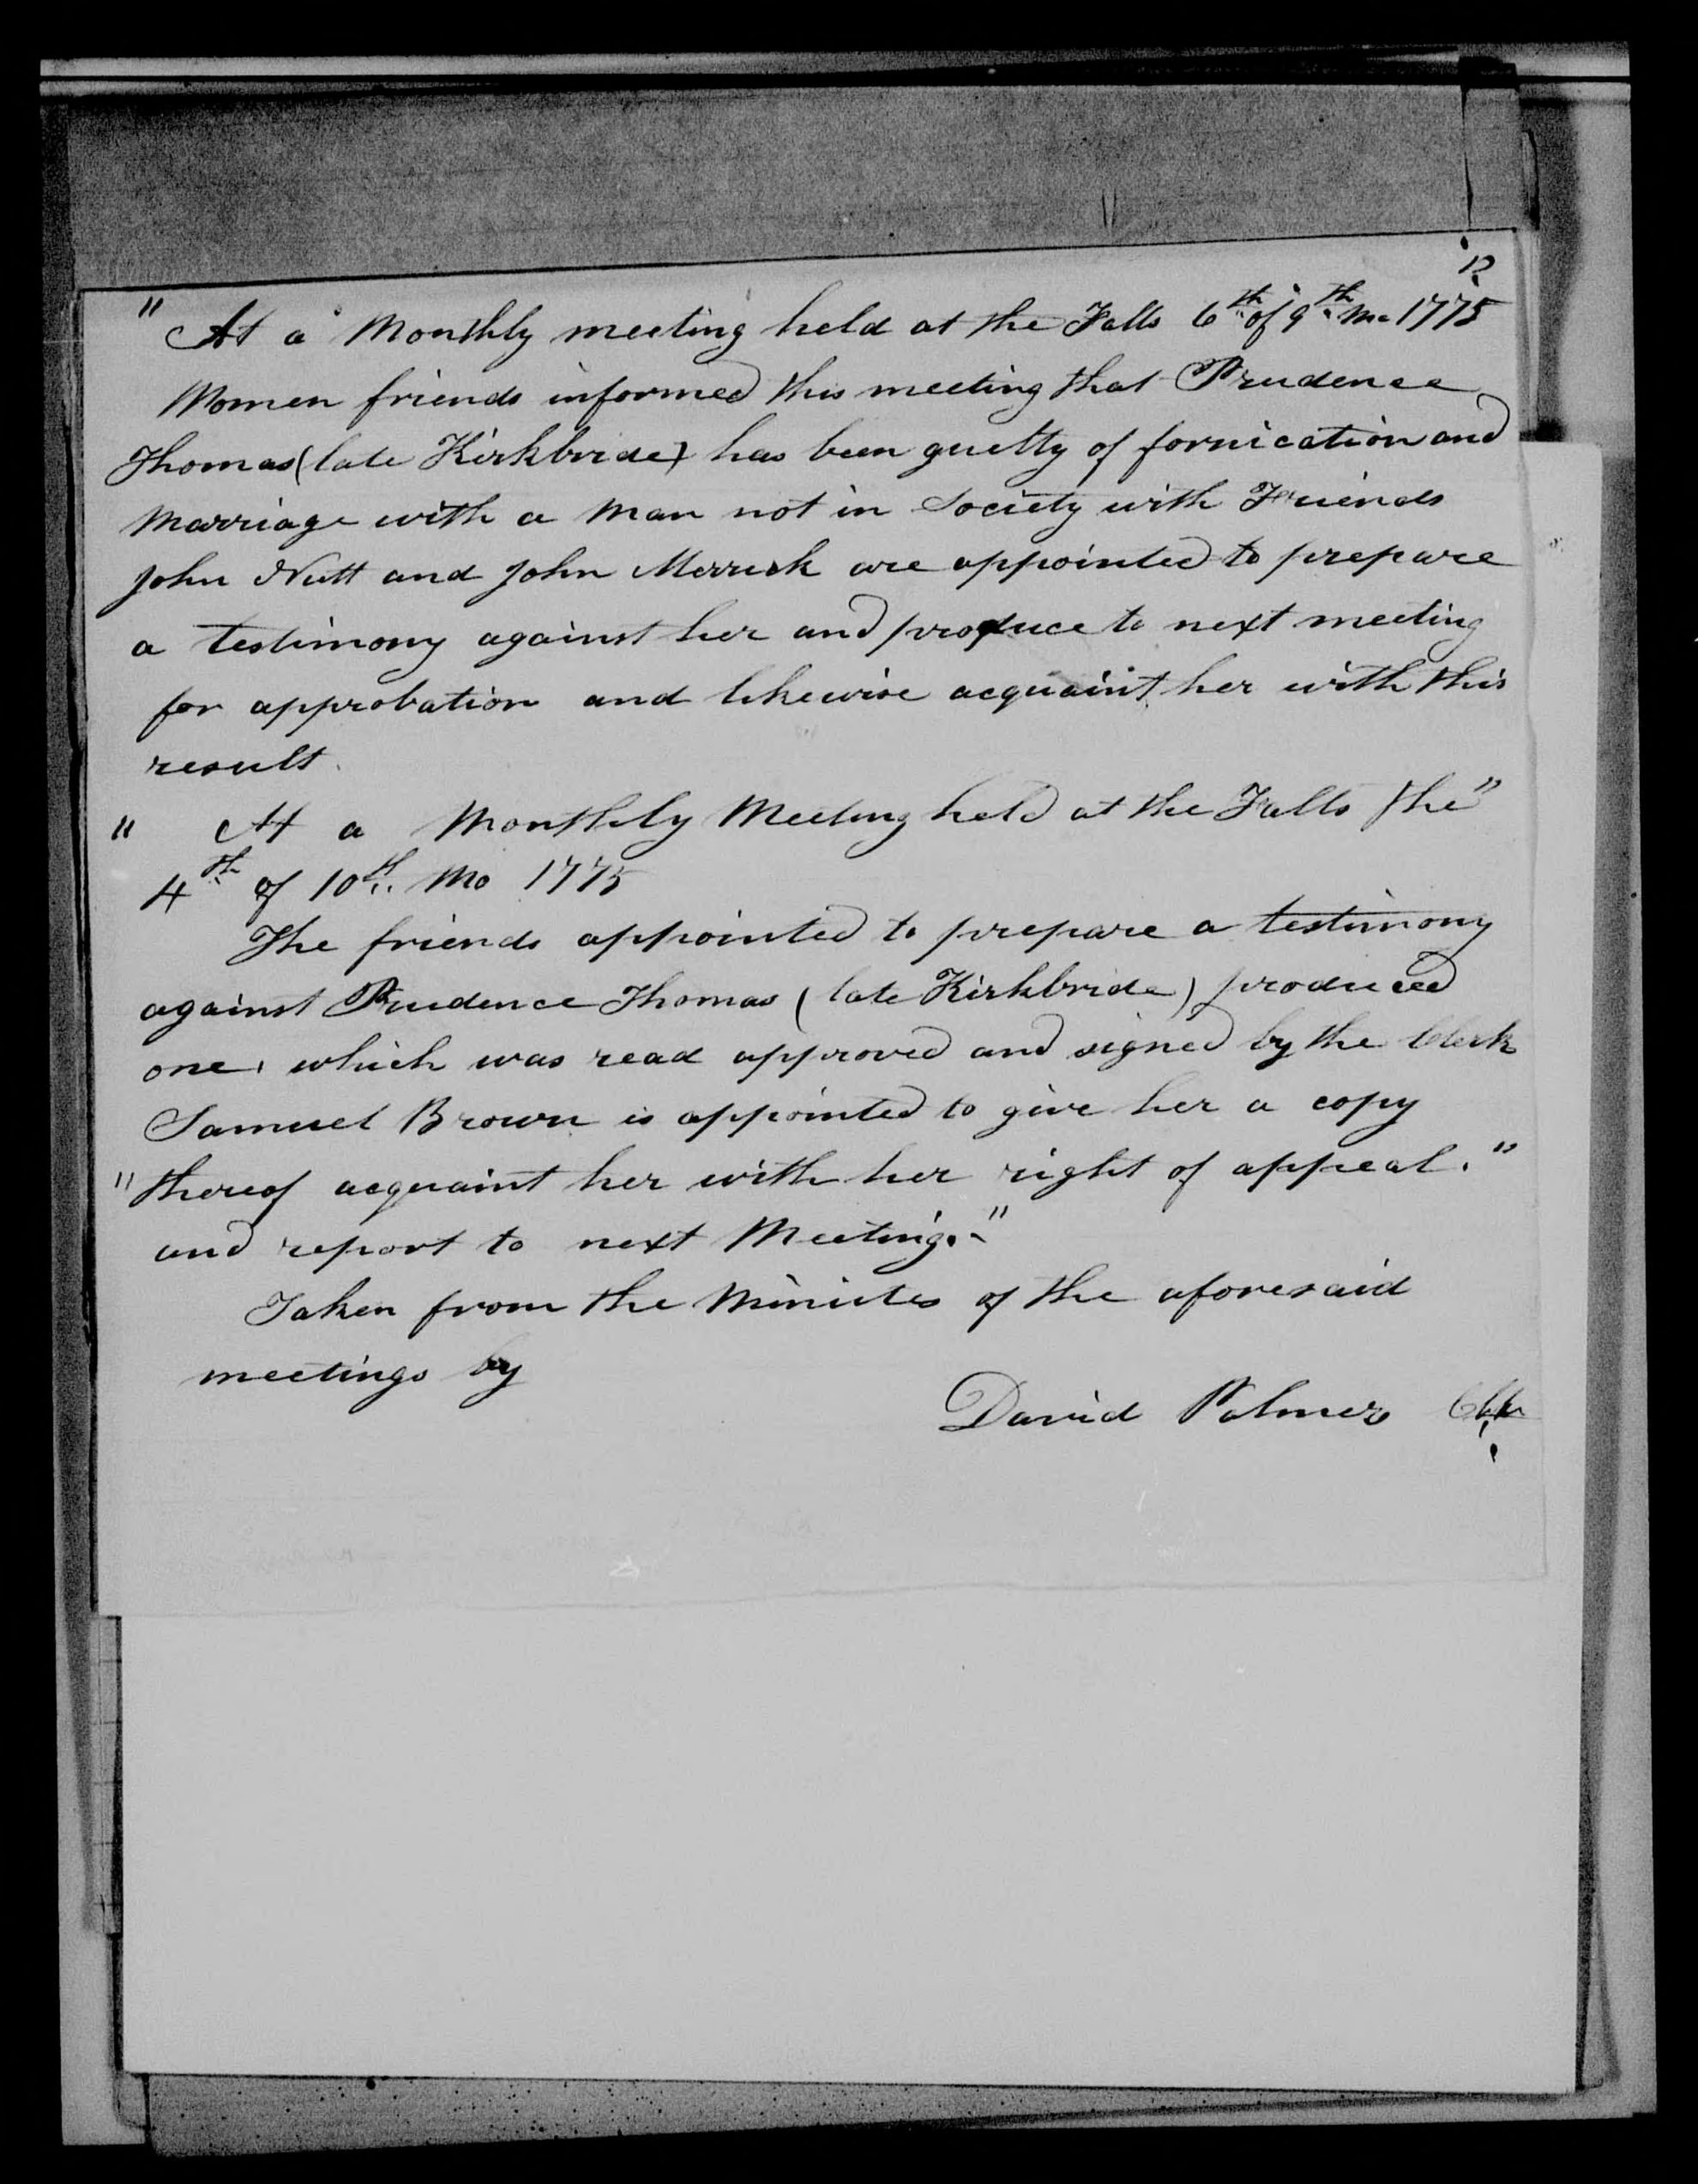“At a monthly meeting held at the Falls 6th of 9th mo. 1775
Women friends informed this meeting that Prudence Thomas (late Kirkbride) has been guilty of fornication and marriage with a man not in Society with Friends. John Nutt and John Merrick are appointed to prepare a testimony against her and produce to next meeting for approbation and likewise acquaint her with her result. 
“At a monthly meeting held at the Falls the 4th of 10th mo. 1775
The friends appointed to prepare a testimony against Prudence Thomas (late Kirkbride) produced one, which was read approved and signed by the clerk Samuel Brown is appointed to give her a copy “thereof acquaint her with her right of appeal” . and report to next Meetings” 
Taken from the minutes of the aforesaid meetings by 
David Palmer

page: 8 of 25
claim: rejected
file: R. 10513, for Edward Thomas, New Jersey